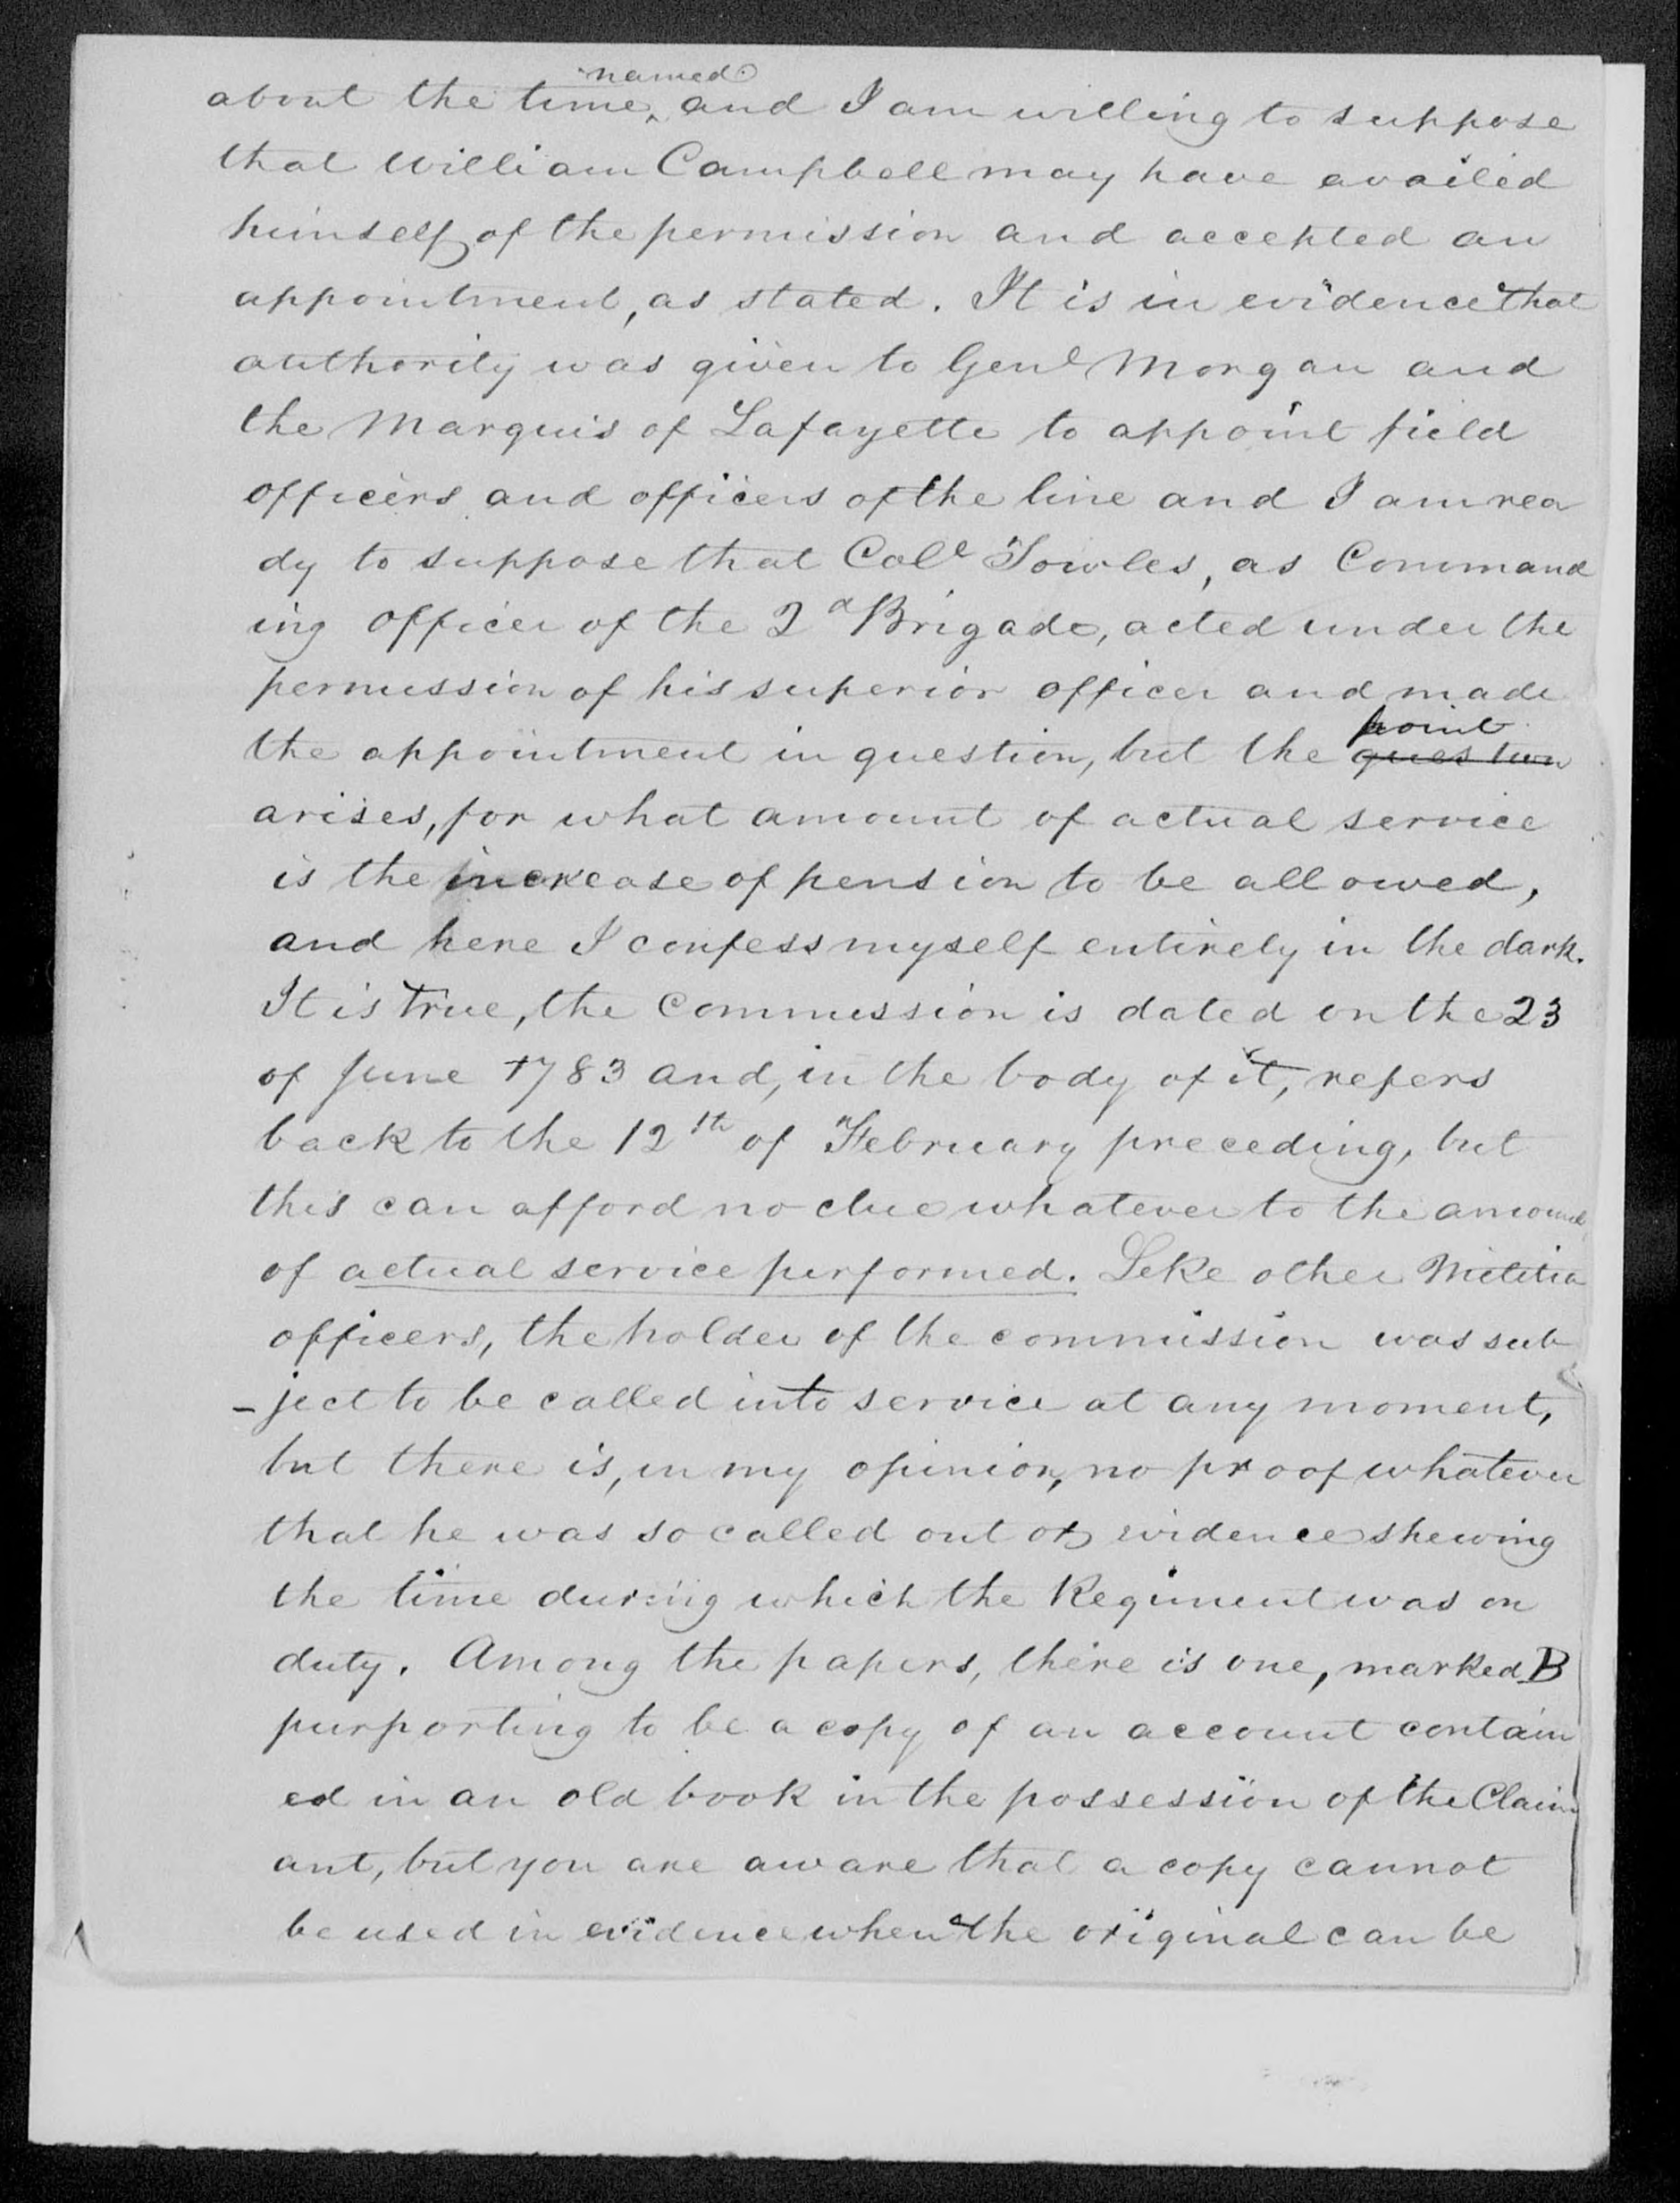about the time [insert] named [end insert] and I am willing to suppose that William Campbell may have availed himself of the permission and accepted an appointment, as stated. It is in evidence that authority was given to 
Genl Morgan and the Marquis of Lafayette to appoint field officers and officers of the line and I am ready to suppose that Coll. Fowles, as Commanding officer of the 2d Brigade, acted under the permission of his superior officer and made the appointment in question, but the [cross out] question [end cross out] point arises, for what amount of actual service is the increase of pension to be allowed, and here I confess myself entirely in the dark. It is true, the commission is dated on the 23 of June 1783 and, in the body of it, refers back to the 12th of February preceding, but this can afford no clue whatever to the amount of [begin underline] actual service performed [end underline].  Like other Militia officers, the holder of the commission was subject to be called into service at any moment, but there is, in my opinion, no proof whatever that he was so called + [and] evidence showing the time during which the Regiment was on duty.  Among the papers, there is one, marked B purporting to be a copy of an account contained in an old book in the possession of the Claimant, but you are aware that a copy cannot be used in evidence when the original can be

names: Fowles, William Campbell, Morgan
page: 88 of 267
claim: widow's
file: W. 4,149, William Campbell, Va.